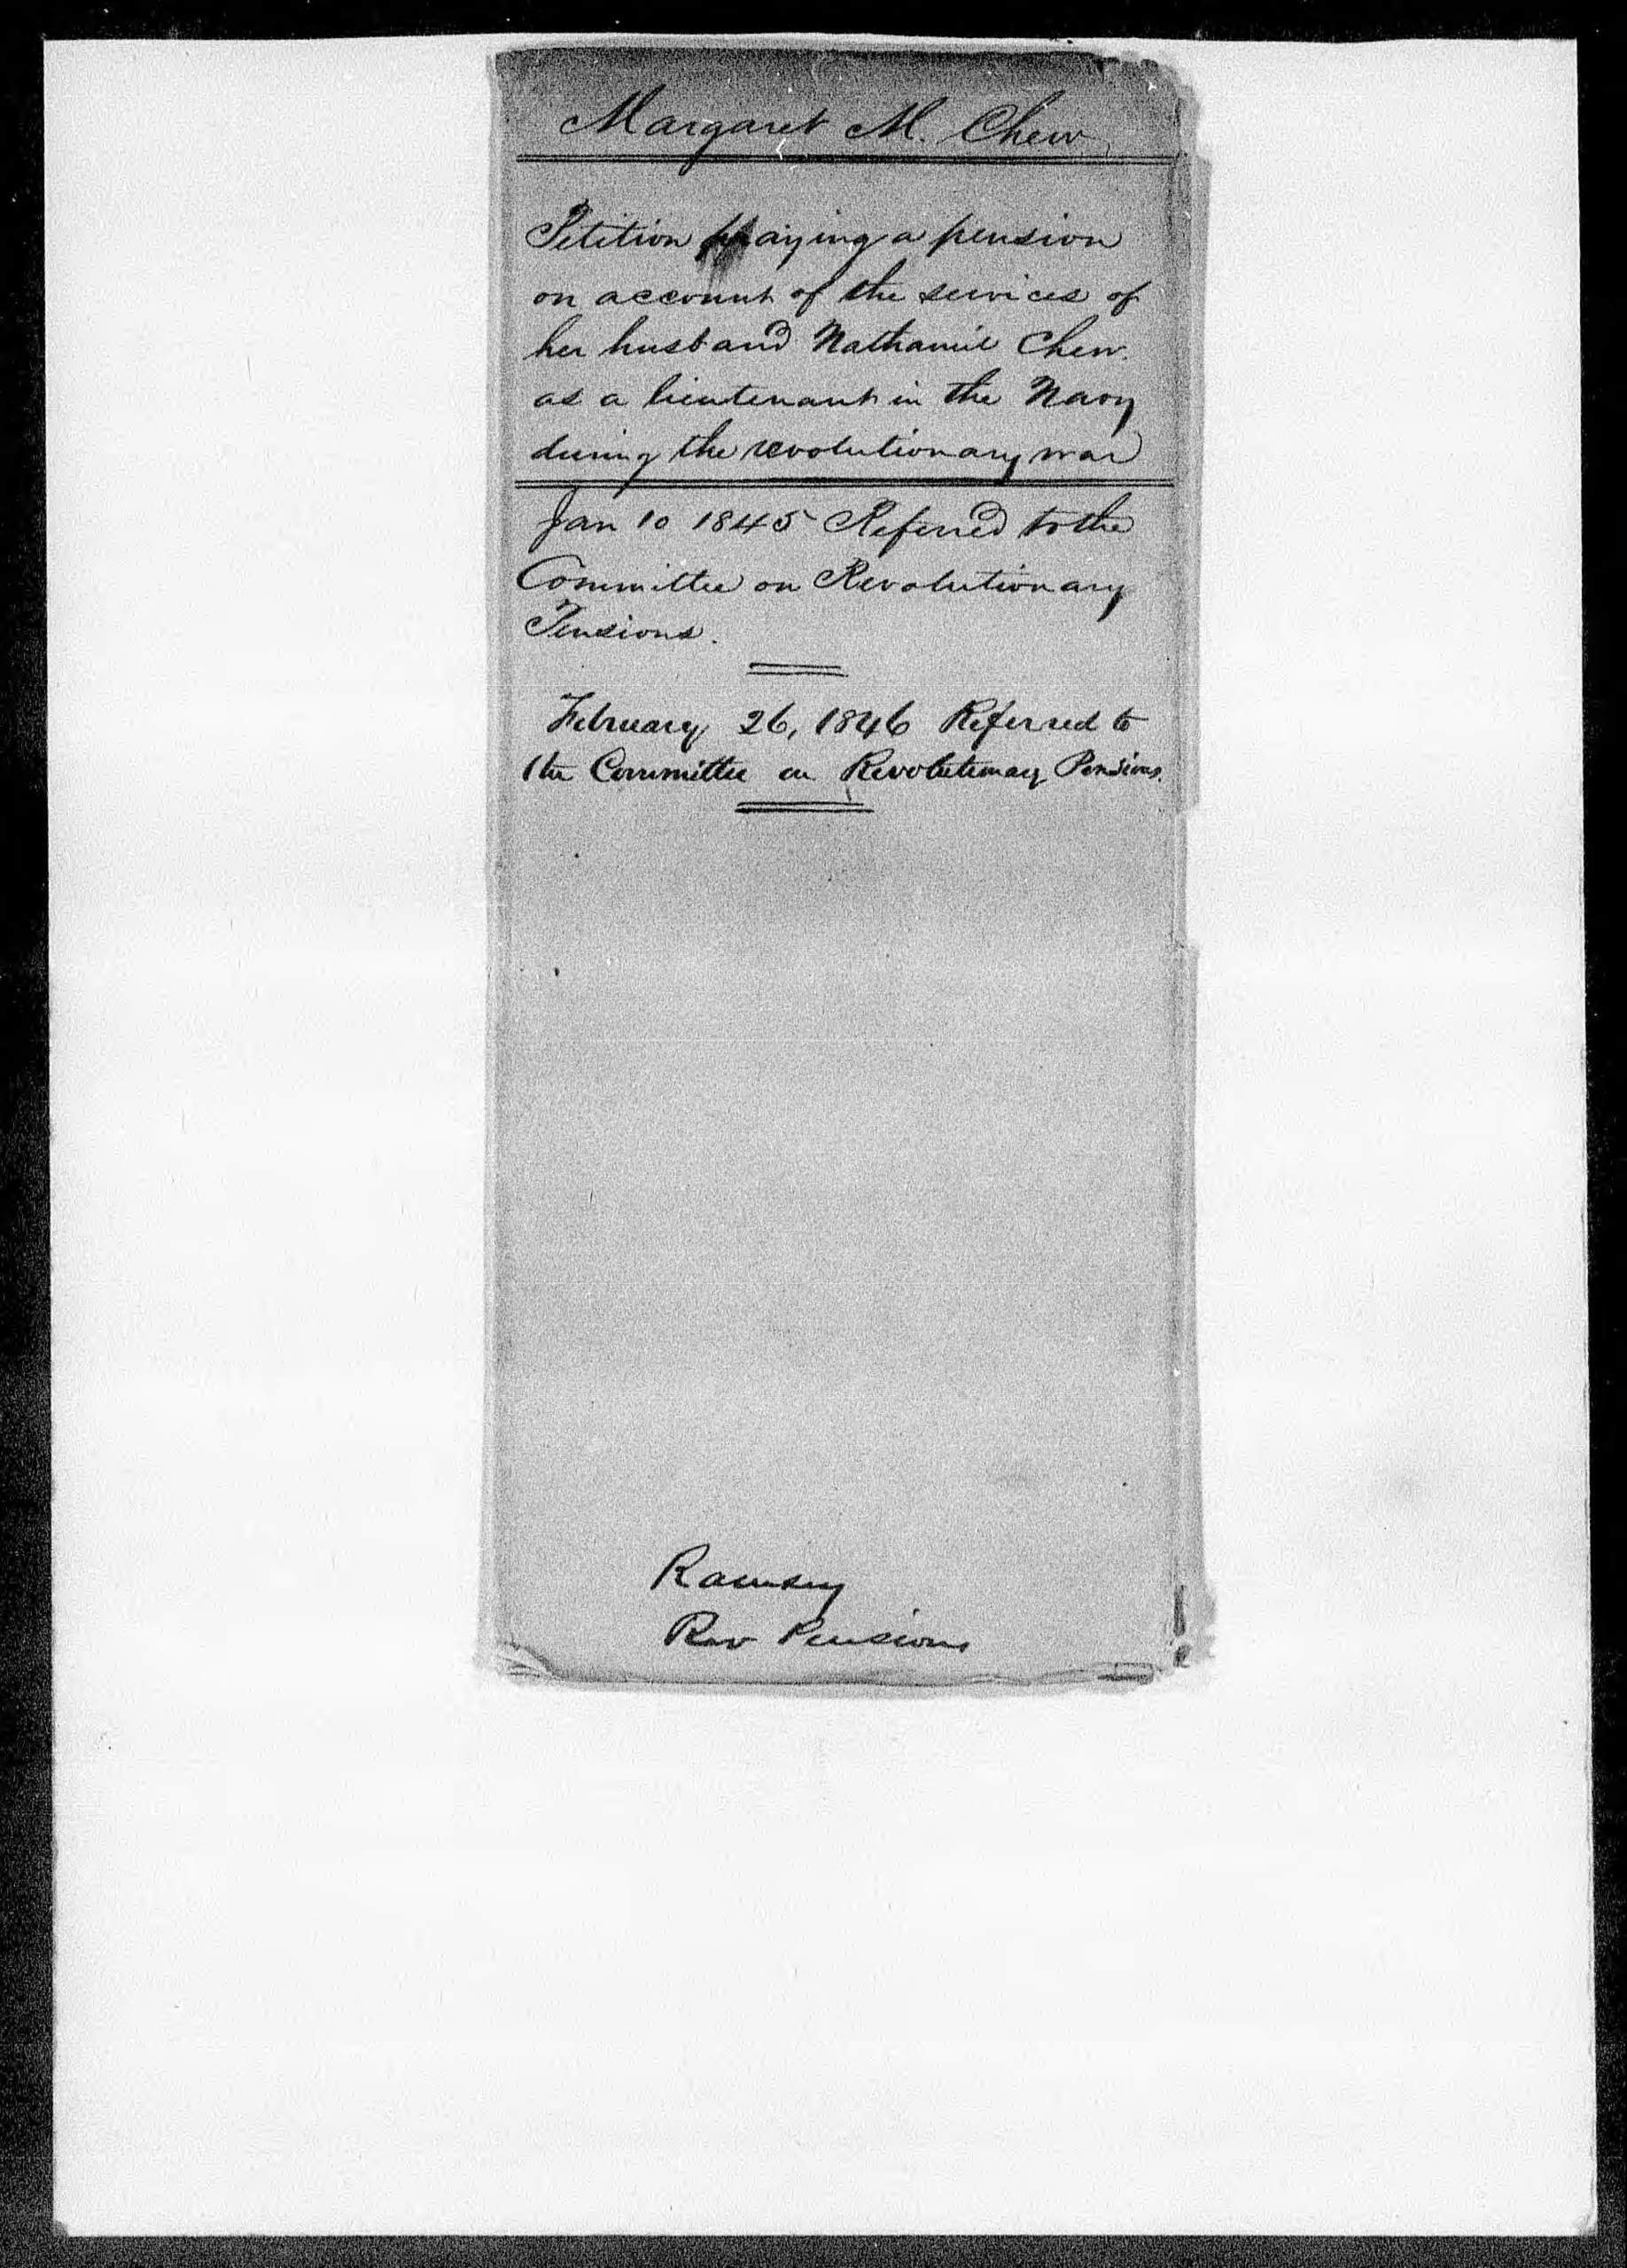Margaret M. Chew

Petition for paying a pension
on account of the services of
her husband Nathaniel Chew
as a lieutenant in the Navy
during the revolutionary war

Jan 10 1845 Referred to the
Committee on Revolutionary
Pensions

February 26, 1846 Referred to
the Committee on Revolutionary Pensions


Ramsay
Rev Pensions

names: Margaret M Chew, Nathaniel Chew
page: 51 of 59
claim: widow's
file: W. 9383, Nathaniel Chew, Navy (Md.)